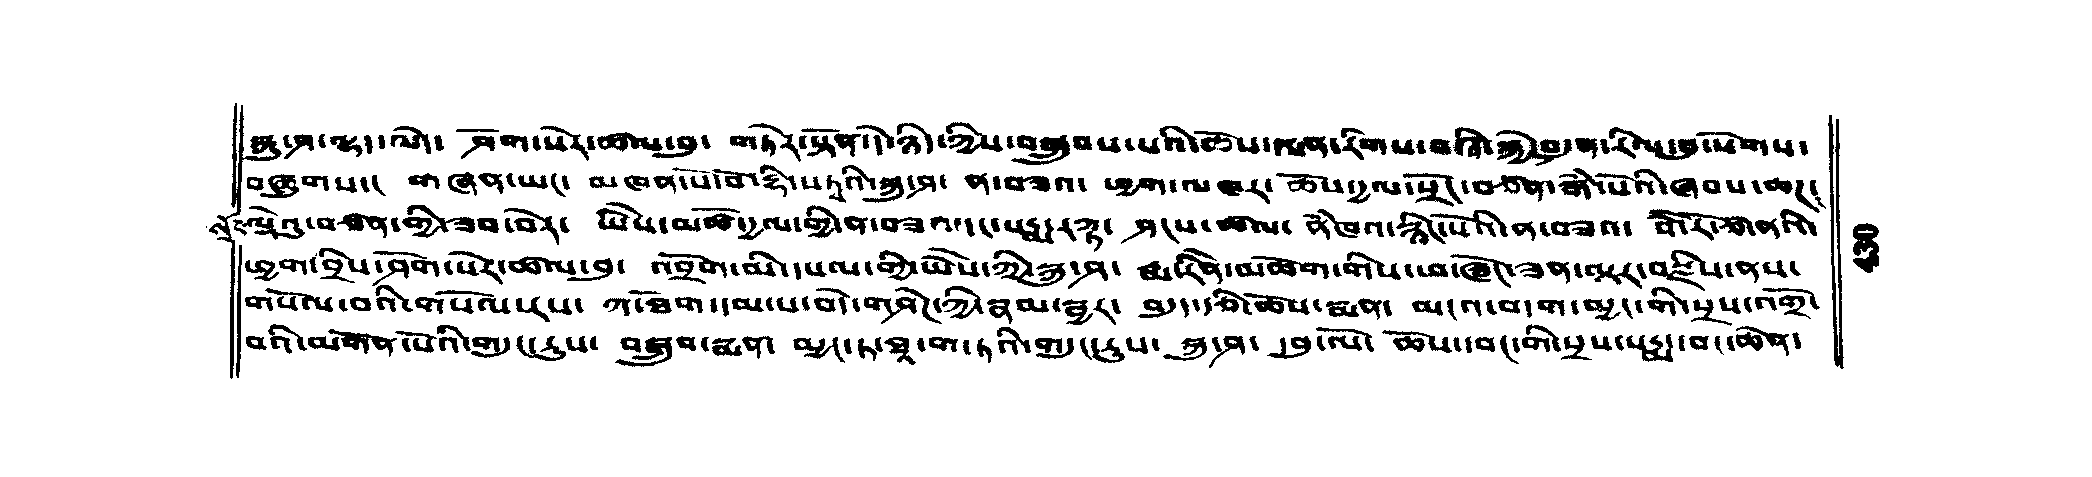སྐུ་ཤ་ལྷད་མེད། ཤོག་སེར་ཚལ་བུ། གཏེར་སྟོན་དེ་ཉིད་ཀྱིས་བསྒྲུབས་པའི་ཆོས་སྨན་རིགས་བཞི་སྐྱེ་བདུན་རིལ་བུ་སོགས་
བཞུགས། གཞན་ཡང་། མཁན་པོ་བོདྷི་་སཏྭའི་སྐུ་ཤ། ན་བཟའ། ཕྱག་མཁར། ཆོས་རྒྱལ་སྲོང་བཙན་སྒམ་པོའི་ཞབས་ཆགས། 
ཁྲི་སྲོང་ལྡེའུ་བཙན་གྱི་ཟབ་བེར། ཡེ་ཤེས་མཚོ་རྒྱལ་གྱི་ན་བཟའ་དང་པདྨ་རཀྟ། ཤངས་ཚལ། ནམ་མཁའི་སྙིང་པོའི་ན་བཟའ། བཻ་རོ་ཙཱ་ནའི་
ཕྱག་བྲིས་ཤོག་སེར་ཚལ་བུ། འབྲོག་མི་དཔལ་གྱི་ཡེ་ཤེས་ཀྱི་སྐུ་ཤ། རྨ་རིན་ཆེན་མཆོག་གིས་ཕ་ཝོང་ཟན་ལྟར་བརྫིས་ནས་
གསོལ་བའི་གསོལ་རས། ཀཿཐོག་དམ་པ་བདེ་བཤེགས་ཀྱི་སྣམ་སྦྱར། བདུད་རྩི་ཆོས་སྨན། མངའ་བདག་མྱང་གི་སྲས་འགྲོ་
བའི་མགོན་པོའི་གདུང་རུས། སྒྲུབ་སྨན། མྱང་ཏ་ཐཱ་ག་ཏའི་གདུང་རུས། སྐུ་ཤ། དབུ་ལོ། ཆོས་དབང་གི་སྲས་པདྨ་དབང་ཆེན་